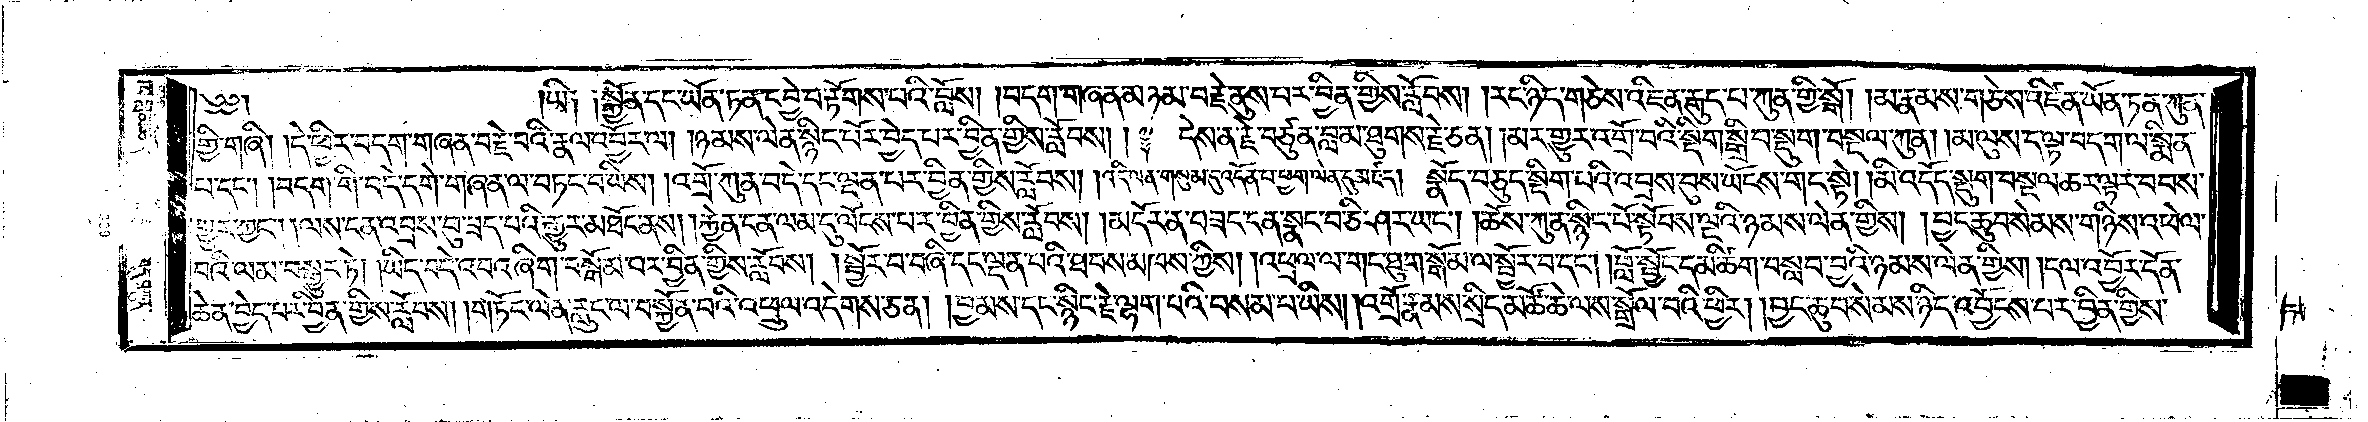༄༅། །ཡི༑ ༑སྐྱོན་དང་ཡོན་ཏན་དབྱེ་བ་རྟོགས་པའི་བློས། །བདག་གཞན་མཉམ་བརྗེ་ནུས་པར་བྱིན་གྱིས་རློབས། །རང་ཉིད་གཅེས་འཛིན་རྒུད་པ་ཀུན་གྱི་སྒོ། །མ་རྣམས་གཅེས་འཛིན་ཡོན་ཏན་ཀུན་
གྱི་གཞི། །དེ་ཕྱིར་བདག་གཞན་བརྗེ་བའི་རྣལ་འབྱོར་ལ། །ཉམས་ལེན་སྙིང་པོར་བྱེད་པར་བྱིན་གྱིས་རློབས། ། ༈ དེས་ན་རྗེ་བཙུན་བླ་མ་ཐུགས་རྗེ་ཅན། །མར་གྱུར་འགྲོ་བའི་སྡིག་སྒྲིབ་སྡུག་བསྔལ་ཀུན། །མ་ལུས་ད་ལྟ་བདག་ལ་སྨིན་
པ་དང་། །བདག་གི་བདེ་དགེ་གཞན་ལ་བཏང་བ་ཡིས། །འགྲོ་ཀུན་བདེ་དང་ལྡན་པར་བྱིན་གྱིས་རློབས། །འདི་ལན་གསུམ་དུ་འདོན་པ་ཕྱག་ལེན་དུ་མཛད།  སྣོད་བཅུད་སྡིག་པའི་འབྲས་བུས་ཡོངས་གང་སྟེ། །མི་འདོད་སྡུག་བསྔལ་ཆར་ལྟར་བབས་
གྱུར་ཀྱང་། །ལས་ངན་འབྲས་བུ་ཟད་པའི་རྒྱུར་མཐོང་ནས། །རྐྱེན་ངན་ལམ་དུ་ལོངས་པར་བྱིན་གྱིས་རློབས། །མདོར་ན་བཟང་ངན་སྣང་བ་ཅི་ཤར་ཡང་། །ཆོས་ཀུན་སྙིང་པོ་སྟོབས་ལྔའི་ཉམས་ལེན་གྱིས། །བྱང་ཆུབ་སེམས་གཉིས་འཕེལ་
བའི་ལམ་བསྒྱུར་ཏེ། །ཡིད་བདེ་འབའ་ཞིག་བསྒོམ་བར་བྱིན་གྱིས་རློབས། །སྦྱོར་བ་བཞི་དང་ལྡན་པའི་ཐབས་མཁས་ཀྱིས། །འཕྲལ་ལ་གང་ཐུག་སྒོམ་ལ་སྦྱོར་བ་དང་། །བློ་སྦྱོང་དམ་ཚིག་བསླབ་བྱའི་ཉམས་ལེན་གྱིས། །དལ་འབྱོར་དོན་
ཆེན་བྱེད་པར་བྱིན་གྱིས་རློབས། །གཏོང་ལེན་རླུང་ལ་བསྐྱོན་པའི་འཕྲུལ་འདེགས་ཅན། །བྱམས་དང་སྙིང་རྗེ་ལྷག་པའི་བསམ་པ་ཡིས། །འགྲོ་རྣམས་སྲིད་མཚོ་ཆེ་ལས་སྒྲོལ་བའི་ཕྱིར། །བྱང་ཆུབ་སེམས་ཉིད་འབྱོངས་པར་བྱིན་གྱིས་